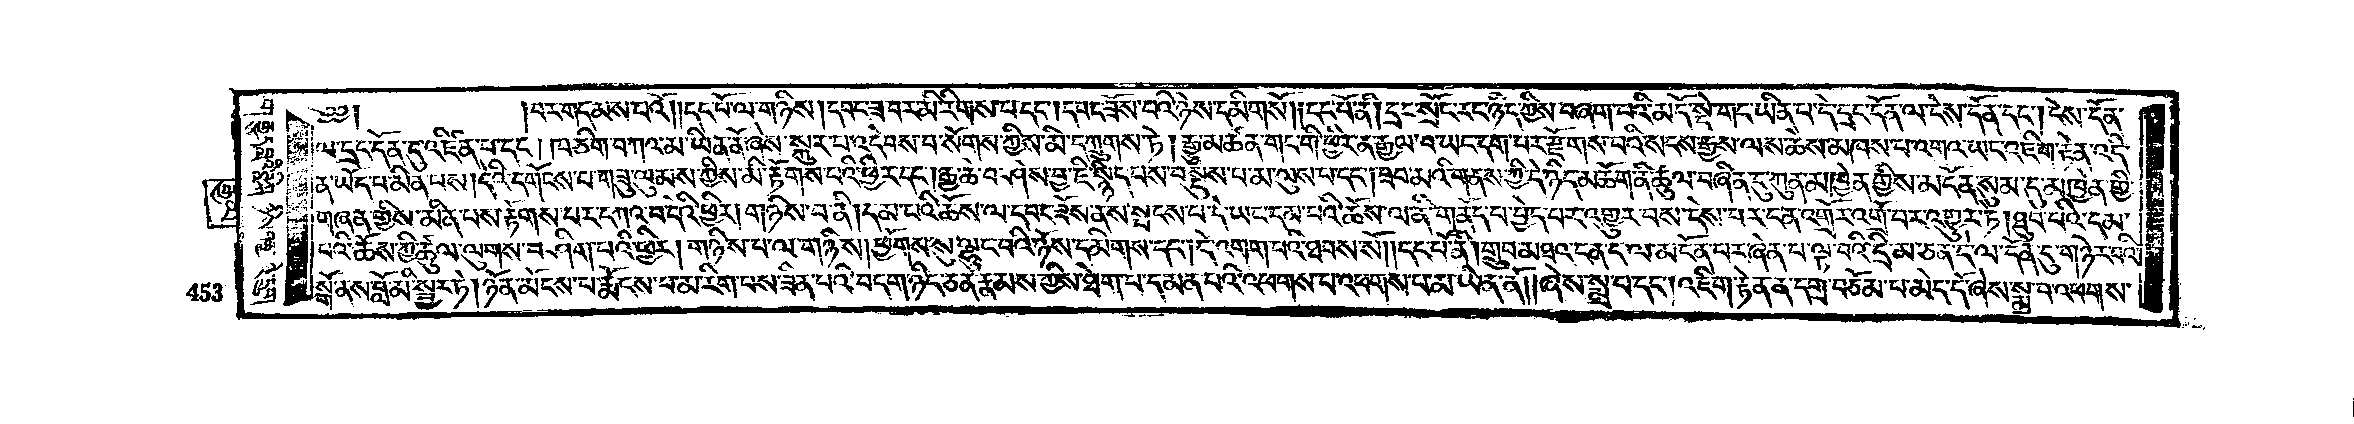༄༅། །བར་གདམས་པའོ། །དང་པོ་ལ་གཉིས། དབང་ཟ་བར་མི་རིགས་པ་དང་། དབང་ཟོས་པའི་ཉེས་དམིགས་སོ། །དང་པོ་ནི། དྲང་སྲོང་རང་ཉིད་ཀྱིས་བཞག་པའི་མདོ་སྡེ་གང་ཡིན་པ་དེ་དྲང་དོན་ལ་ངེས་དོན་དང་། ངེས་དོན་
ལ་དྲང་དོན་དུ་འཛིན་པ་དང་། ཁ་ཅིག་བཀའ་མ་ཡིན་ནོ་ཞེས་སྐུར་པ་འདེབས་པ་སོགས་ཀྱིས་མི་དཀྲུགས་ཏེ། རྒྱུ་མཚན་གང་གི་ཕྱིར་ན་རྒྱལ་བ་ཡང་དག་པར་རྫོགས་པའི་སངས་རྒྱས་ལས་ཆོས་མཁས་པ་འགའ་ཡང་འཇིག་རྟེན་འདི་
ན་ཡོད་པ་ཡིན་པས། དེའི་དགོངས་པ་གཟུ་ལུམས་གྱིས་མི་རྟོགས་པའི་ཕྱིར་དང་། རྒྱ་ཆེ་བ་ཞེས་བྱ་ཇི་སྙེད་པས་བསྡུས་པ་མ་ལུས་པ་དང་། ཟབ་མའི་གནས་ཀྱི་དེ་ཉིད་མཆོག་ནི་ཚུལ་བཞིན་དུ་ཀུན་མཁྱེན་གྱིས་མངོན་སུམ་དུ་མཁྱེན་གྱི་
གཞན་གྱིས་མིན་པས་རྟོགས་པར་དཀའ་བ་དེའི་ཕྱིར། གཉིས་པ་ནི། དམ་པའི་ཆོས་ལ་དབང་ཟོས་ནས་སྤངས་པ་དེ་ཡང་དམ་པའི་ཆོས་ལ་ནི་གནོད་པ་བྱེད་པར་འགྱུར་བ་ངེས་པར་ངན་འགྲོར་འགྲོ་བར་འགྱུར་ཏེ། ཐུབ་པའི་དམ་
པའི་ཆོས་ཀྱི་ཚུལ་ལུགས་བཤིག་པའི་ཕྱིར། གཉིས་པ་ལ་གཉིས། ཕྱོགས་སུ་ལྷུང་བའི་ཉོས་དམིགས་དང་། དེ་འགག་པའི་ཐབས་སོ། །དང་པོ་ནི། གྲུབ་མཐའ་ངན་པ་ལ་མངོན་པར་ཞེན་པ་ལྟ་བའི་དྲི་མ་ཅན་དེ་ལ་དོན་དུ་གཉེར་བའི་
སྒོ་ནས་བློ་མི་སྦྱར་ཏེ། ཉོན་མོངས་པ་རྨོངས་པ་མ་རིག་པས་ཟིན་པའི་བདག་ཉིད་ཅན་རྣམས་ཀྱིས་ཐེག་པ་དམན་པའི་འཕགས་པ་འཕགས་པ་མ་ཡིན་ནོ། །ཞེས་སྨྲ་བ་དང་། འཇིག་རྟེན་ན་དགྲ་བཅོམ་པ་མེད་དོ་ཞེས་སྨྲ་བ་འཕགས་